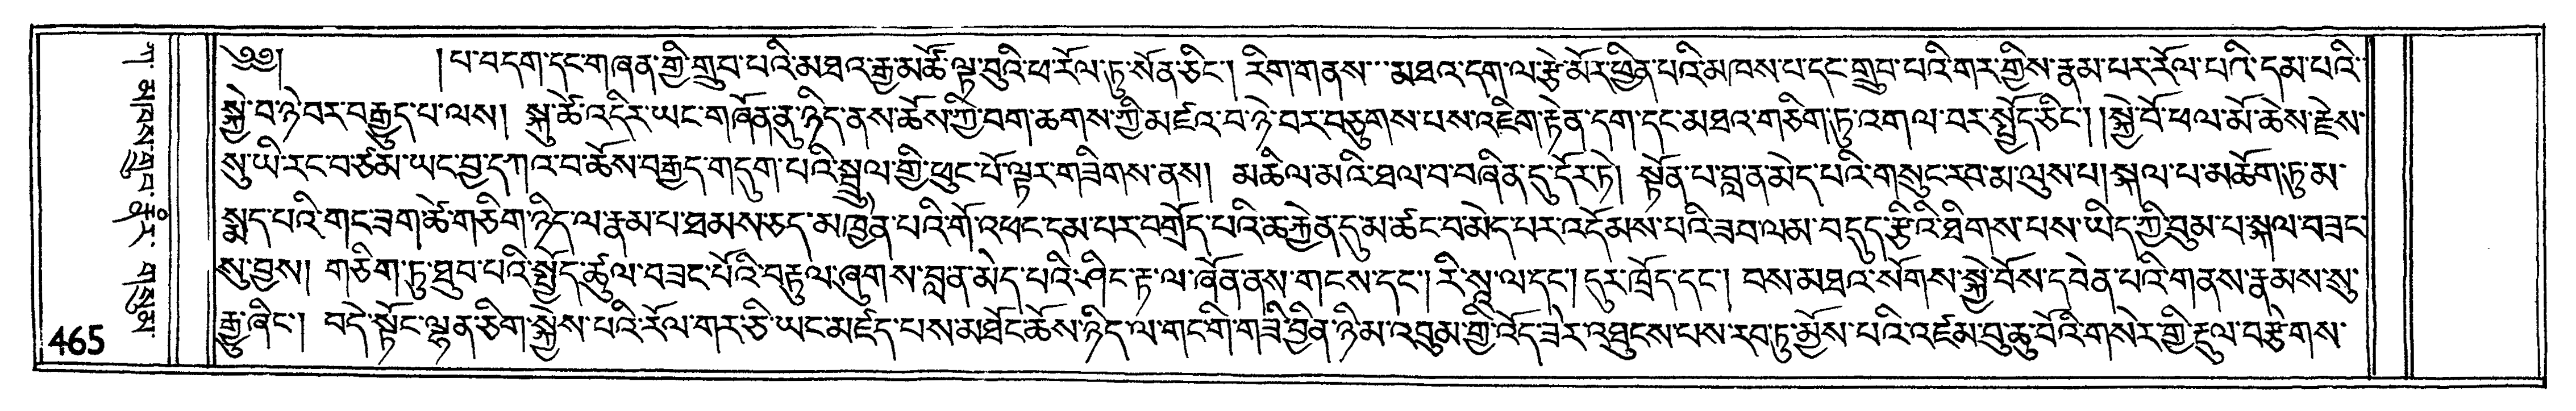༄༅། །པ་བདག་དང་གཞན་གྱི་གྲུབ་པའི་མཐའ་རྒྱ་མཚོ་ལྟ་བུའི་ཕ་རོལ་ཏུ་སོན་ཅིང་། རིག་གནས་མཐའ་དག་ལ་རྩེ་མོར་ཕྱིན་པའི་མཁས་པ་དང་གྲུབ་པའི་གར་གྱིས་རྣམ་པར་རོལ་པའི་དམ་པའི་
སྐྱེ་བ་ཉེ་བར་བརྒྱུད་པ་ལས། སྐུ་ཚེ་འདིར་ཡང་གཞོན་ནུ་ཉིད་ནས་ཆོས་ཀྱི་བག་ཆགས་ཀྱི་མཛའ་བ་ཉེ་བར་བཅུགས་པས་འཇིག་རྟེན་དག་དང་མཐའ་གཅིག་ཏུ་འགལ་བར་སྤྱོད་ཅིང་། །སྐྱེ་བོ་ཕལ་མོ་ཆེས་རྗེས་
སུ་ཡི་རང་བ་ཙམ་ཡང་བྱ་དཀའ་བ་ཆོས་བརྒྱད་གདུག་པའི་སྦྲུལ་གྱི་ཕུང་པོ་ལྟར་གཟིགས་ནས། མཆིལ་མའི་ཐལ་བ་བཞིན་དུ་དོར་ཏེ། སྟོན་པ་བླ་ན་མེད་པའི་གསུང་རབ་མ་ལུས་པ། སྐལ་པ་མཆོག་ཏུ་མ་
སྨད་པའི་གང་ཟག་ཚེ་གཅིག་ཉིད་ལ་རྣམ་པ་ཐམས་ཅད་མཁྱེན་པའི་གོ་འཕང་དམ་པར་བགྲོད་པའི་ཆ་རྐྱེན་དུ་མ་ཚང་བ་མེད་པར་འདོམས་པའི་ཟབ་ལམ་བདུད་རྩིའི་ཐིགས་པས་ཡིད་ཀྱི་བུམ་པ་སྐལ་བཟང་
སུ་བྱས། གཅིག་ཏུ་ཐུབ་པའི་སྤྱོད་ཚུལ་བཟང་པོའི་བརྟུལ་ཞུགས་བླ་ན་མེད་པའི་ཤིང་རྟ་ལ་ཞོན་ནས་གངས་དང་། རི་སཱ་ལ་དང་། དུར་ཁྲོད་དང་། བས་མཐའ་སོགས་སྐྱེ་བོས་དབེན་པའི་གནས་རྣམས་སུ་
རྒྱུ་ཞིང་། བདེ་སྟོང་ལྷན་ཅིག་སྐྱེས་པའི་རོལ་གར་ཅི་ཡང་མཛད་པས་མཐོང་ཆོས་ཉིད་ལ་གང་གི་གཟི་བྱིན་ཉི་མ་འབུམ་གྱི་འོད་ཟེར་འཐུངས་པས་རབ་ཏུ་མྱོས་པའི་འཛམ་བུ་ཆུ་བོའི་གསེར་གྱི་རྡུལ་བརྩེགས་